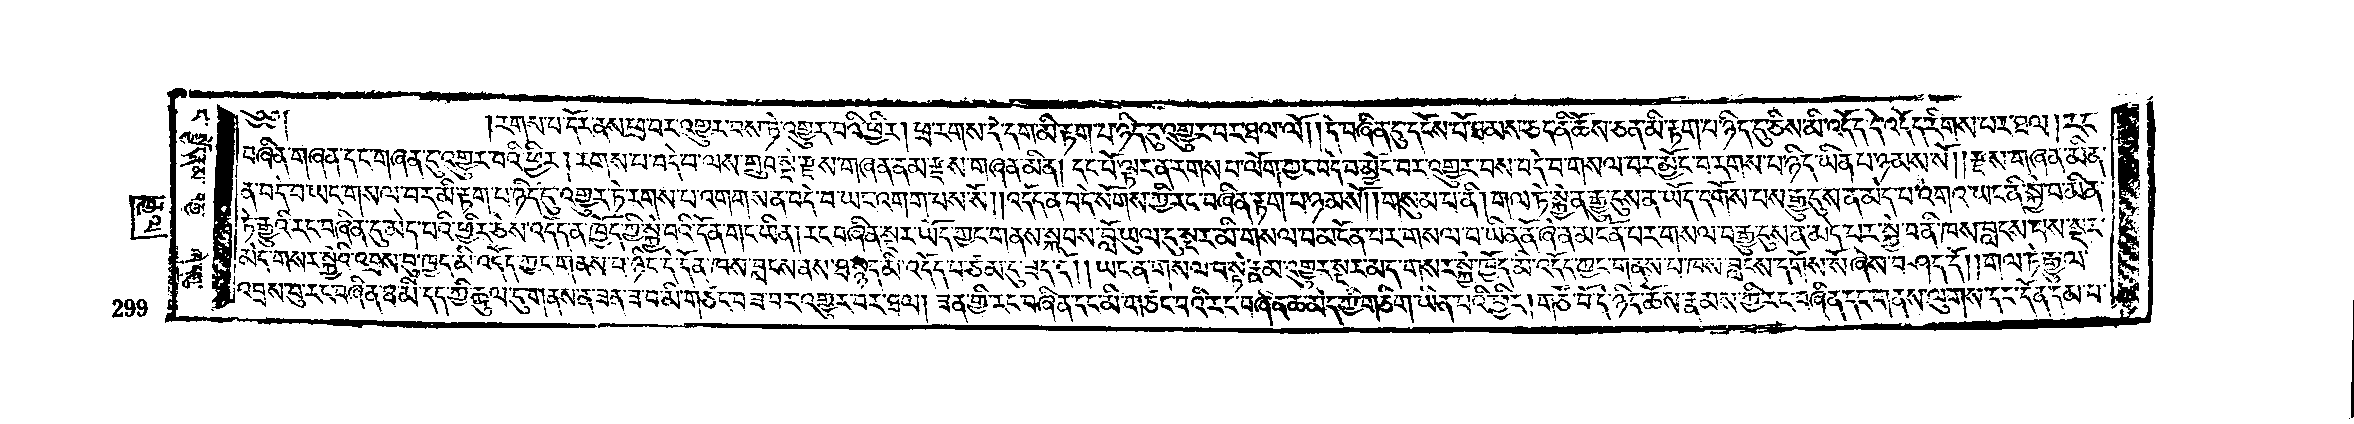༄༅། །རགས་པ་དོར་ནས་ཕྲ་བར་འགྱུར་བའི་ཕྱིར། ཕྲ་རགས་དེ་དག་མི་རྟག་པ་ཉིད་དུ་འགྱུར་བར་ཐལ་ལོ། །དེ་བཞིན་དུ་དངོས་པོ་ཐམས་ཅད་ནི་ཆོས་ཅན་མི་རྟག་པ་ཉིད་དུ་ཅིས་མི་འདོད་དེ་འདོད་རིགས་པར་ཐལ། རང་
བཞིན་གཞན་དང་གཞན་དུ་འགྱུར་བའི་ཕྱིར། །རགས་པ་བདེ་བ་ལས་གྲུབ་སྡེ་རྫས་གཞན་ནམ་རྫས་གཞན་མིན། དང་པོ་ལྟར་ན་རགས་པ་ལོག་ཀྱང་བདེ་བ་མྱོང་བར་འགྱུར་བས་བདེ་བ་གསལ་བར་མྱོང་བ་རགས་པ་ཉིད་ཡིན་པ་ཉམས་སོ། །རྫས་གཞན་མིན་
ན་བདེ་བ་ཡང་གསལ་བར་མི་རྟག་པ་ཉིད་དུ་འགྱུར་ཏེ་རགས་པ་འགགས་ན་བདེ་བ་ཡང་འགག་པས་སོ། །འདོད་ན་བདེ་སོགས་ཀྱི་རང་བཞིན་རྟག་པ་ཉམས་སོ། །གསུམ་པ་ནི། གལ་ཏེ་སྐྱེ་ན་རྒྱུ་དུས་ན་ཡོད་དགོས་པས་རྒྱུ་དུས་ན་མེད་པ་འགའ་ཡང་ནི་སྐྱེ་བ་མིན་
ཏེ་རྒྱུའི་རང་བཞིན་དུ་མེད་པའི་ཕྱིར་ཅེས་འདོད་ན་ཁྱོད་ཀྱི་སྐྱེ་བའི་དོན་གང་ཡིན། རང་བཞིན་སྔར་ཡོད་ཀྱང་གནས་སྐབས་བློ་ཡུལ་དུ་སྔར་མི་གསལ་བ་མངོན་པར་གསལ་བ་ཡིན་ནོ་ཞེ་ན་མངོན་པར་གསལ་བ་རྒྱུ་དུས་ན་མེད་པར་སྐྱེ་བ་ནི་ཁས་བླངས་པས་སྔར་
མེད་གསར་སྐྱེའི་འབྲས་བུ་ཁྱད་མི་འདོད་ཀྱང་གནས་པ་ཉིད་དེ་དོན་ཁས་བླངས་ནས་ཐ་སྙད་མི་འདོད་པ་ཙམ་དུ་ཟད་དོ། །ཡང་ན་གསལ་བ་སྟེ་རྣམ་འགྱུར་སྔར་མེད་གསར་སྐྱེ་ཁྱོད་མི་འདོད་ཀྱང་གནས་པ་ཁས་བླངས་དགོས་སོ་ཞེས་བཤད་དོ། །གལ་ཏེ་རྒྱུ་ལ་
འབྲས་བུ་རང་བཞིན་ཐ་མི་དད་ཀྱི་ཚུལ་དུ་གནས་ན་ཟན་ཟ་བ་མི་གཙང་བ་ཟ་བར་འགྱུར་བར་ཐལ། ཟན་གྱི་རང་བཞིན་དང་མི་གཙང་བའི་རང་བཞིན་ཆ་མེད་ཀྱི་གཅིག་ཡིན་པའི་ཕྱིར། གཙོ་བོ་དེ་ཉིད་ཆོས་རྣམས་ཀྱི་རང་བཞིན་དང་གནས་ལུགས་དང་དོན་དམ་པ་